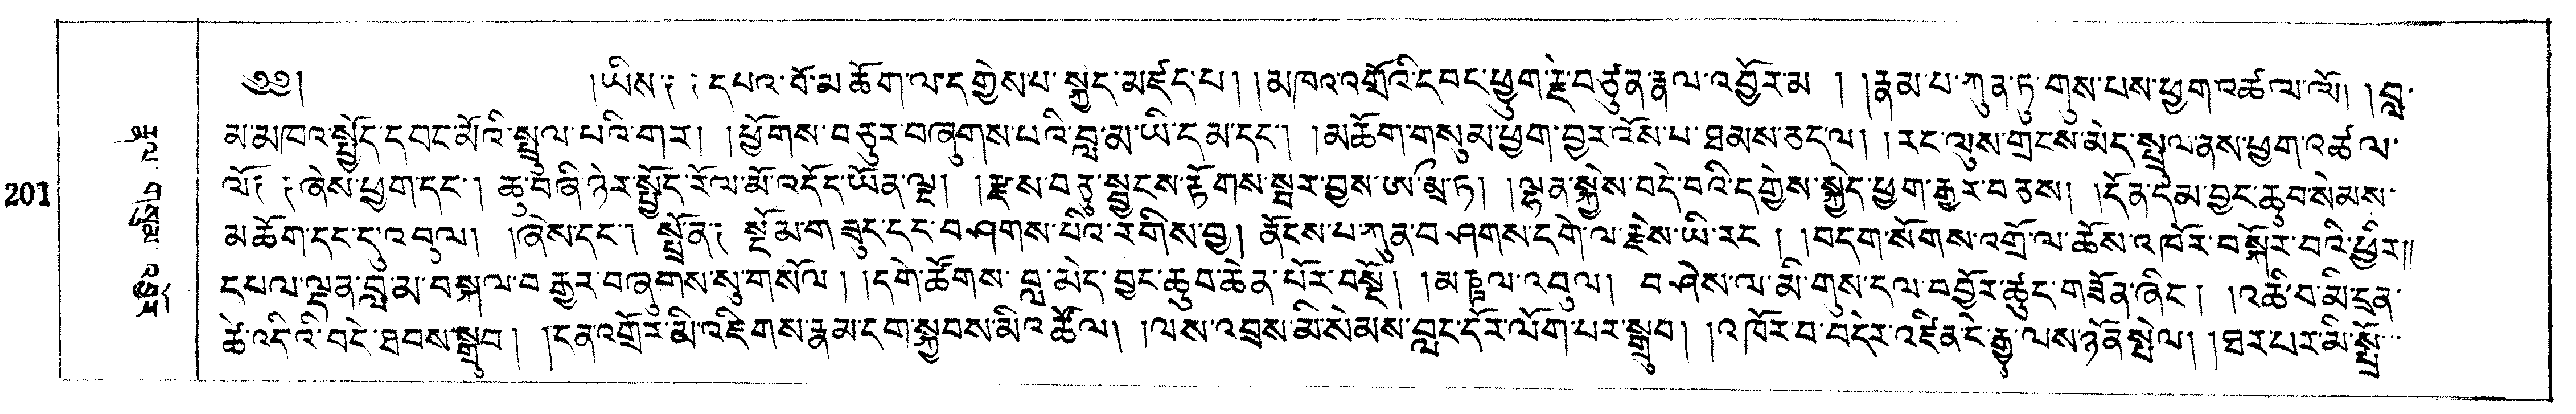༄༅། །ཡིས༑ ༑དཔའ་བོ་མཆོག་ལ་དགྱེས་པ་སྐྱེད་མཛད་པ། །མཁའ་འགྲོའི་དབང་ཕྱུག་རྗེ་བཙུན་རྣལ་འབྱོར་མར། །རྣམ་པ་ཀུན་ཏུ་གུས་པས་ཕྱག་འཚལ་ལོ། །བླ་
མ་མཁའ་སྤྱོད་དབང་མོའི་སྤྲུལ་པའི་གར། །ཕྱོགས་བཅུར་བཞུགས་པའི་བླ་མ་ཡི་དམ་དང་། །མཆོག་གསུམ་ཕྱག་བྱར་འོས་པ་ཐམས་ཅད་ལ། །རང་ལུས་གྲངས་མེད་སྤྲུལ་ནས་ཕྱག་འཚལ་
ལོ༑ ༑ཞེས་ཕྱག་དང་། ཆུ་བཞི་ཉེར་སྤྱོད་རོལ་མོ་འདོད་ཡོན་ལྔ། །རྫས་བཅུ་སྦྱངས་རྟོགས་སྦར་བྱས་ཨ་མྲྀ་ཏ། །ལྷན་སྐྱེས་བདེ་བའི་དགྱེས་སྐྱེད་ཕྱག་རྒྱར་བཅས། །དོན་དམ་བྱང་ཆུབ་སེམས་
མཆོག་དང་དུ་འབུལ། །ཞེས་དང་། སྤྲོ་ན༑ སྡོམ་གཟུང་དང་བཤགས་པའི་ར་གིས་?་བྱ། ནོངས་པ་ཀུན་བཤགས་དགེ་ལ་རྗེས་ཡི་རང་། །བདག་སོགས་འགྲོ་ལ་ཆོས་འཁོར་བསྐོར་བའི་ཕྱིར། །
དཔལ་ལྡན་བླ་མ་བསྐལ་བརྒྱར་བཞུགས་སུ་གསོལ། །དགེ་ཚོགས་བླ་མེད་བྱང་ཆུབ་ཆེན་པོར་བསྔོ། །མཎྜལ་འབུལ། བཤེས་ལ་མི་གུས་དལ་འབྱོར་ཚུད་གཟོན་ཞིང་། །འཆི་བ་མི་དྲན་
ཚེ་འདིའི་བདེ་ཐབས་སྒྲུབ། །ངན་འགྲོར་མི་འཇིགས་རྣམ་དག་སྐྱབས་མི་འཚོལ། །ལས་འབྲས་མི་སེམས་བླང་དོར་ལོག་པར་སྒྲུབ། །འཁོར་བ་བདེར་འཛིན་དེ་རྒྱུ་ལས་ཉོན་སྤེལ། །ཐར་པར་མི་སྤྲོ་